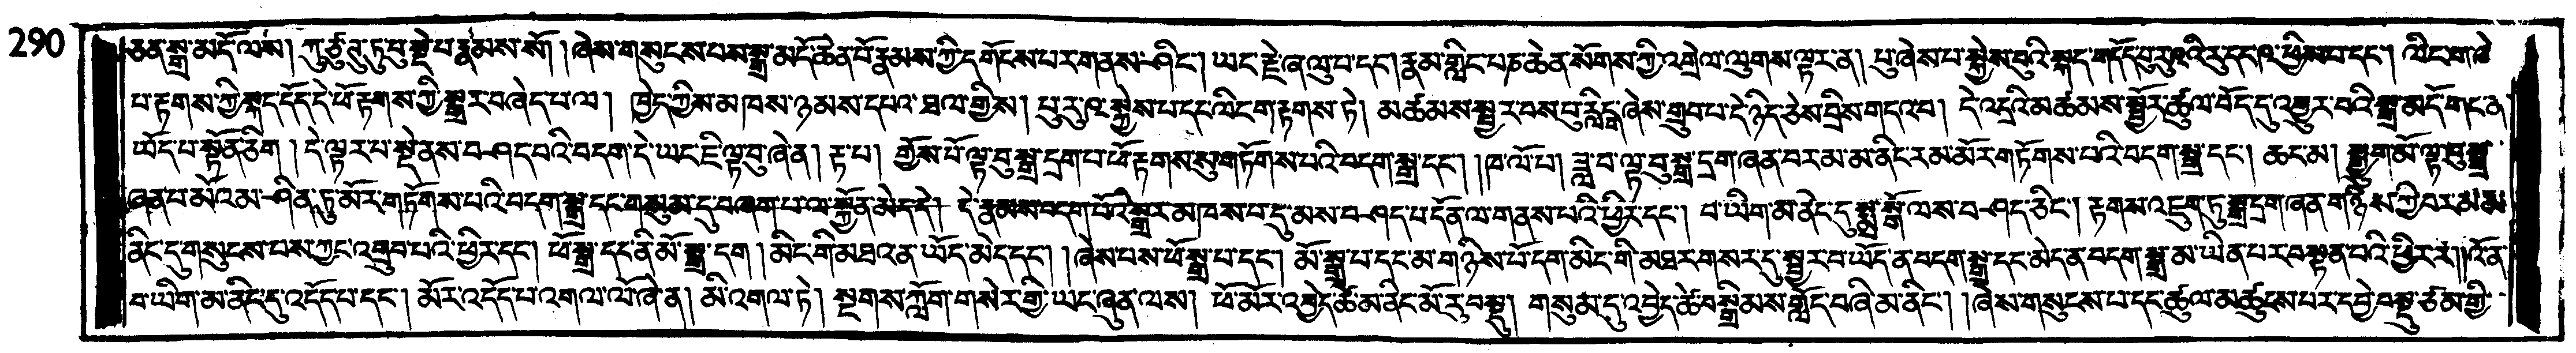ཅན་སྒྲ་མདོ་ལས། ཀུ་ཙུ་ཊུ་ཏུ་པུ་སྡེ་པ་རྣམས་སོ། །ཞེས་གསུངས་པས་སྒྲ་མདོ་ཆེན་པོ་རྣམས་ཀྱི་དགོངས་པར་གནས་ཤིང་། ཡང་རྗེ་ཞ་ལུ་པ་དང་། རྣམ་གླིང་པན་ཆེན་སོགས་ཀྱི་ལུགས་ལྟར་ན། པུ་ཞེས་པ་སྐྱེས་བུའི་སྐད་གདོད་བུ་རུ་ཥཱི་རུ་དང་ཥ་ཕྱིས་པ་དང་། ལོང་ག་ཞེ་
པ་རྟགས་ཀྱི་སྐད་དོད་དེ་ཕོ་རྟགས་ཀྱི་སྒྲར་བཞེད་པ་ལ། ཁྱེད་ཀྱིས་མཁས་ཉམས་དཔའ་ཐལ་གྱིས། པུ་རུ་ཥ་སྐྱེས་པ་དང་ལིང་ག་རྟགས་ཏེ། མཚམས་སྦྱར་བས་བུ་རླིངྒ་ཞེས་གྲུབ་པ་དེ་ཉིད་ཅེས་བྲིས་གདའ་བ། དེ་འདྲའི་མཚམས་སྦྱོར་ཚུལ་བོད་དུ་འགྱུར་བའི་སྒྲ་མདོ་གང་ན་
ཡོད་པ་སྟོན་ཅིག །དེ་ལྟར་པ་སྡེ་ནས་བཤད་བའི་བདག་དེ་ཡང་ཇི་ལྟ་བུ་ཞེ་ན། རྟ་པ། གྱོས་པོ་ལྟ་བུ་སྒྲ་དྲག་པ་ཕོ་རྟགས་སུ་གཏོགས་པའི་བདག་སྒྲ་དང་། །ཁ་ལོ་པ། ཟླ་བ་ལྟ་བུ་སྒྲ་དྲག་གཞན་བར་མ་མ་ནིང་རམ་མོར་གཏོགས་པའི་བདག་སྒྲ་དང་། ཆང་མ། སྒྱུག་མོ་ལྟ་བུ་སྒྲ་
ཞན་པ་མོའམ་ཤིན་ཏུ་མོར་གཏོགས་པའི་བདག་སྒྲ་དང་གསུམ་དུ་བཞག་པ་ལ་སྐྱོན་མེད་དེ། དེ་རྣམས་བདག་པོའི་སྒྲར་མཁས་པ་དུ་མས་བཤད་པ་དོན་ལ་གནས་པའི་ཕྱིར་དང་། བ་ཡིག་མ་ནིང་དུ་སྨྲ་སྒོ་ལས་བཤད་ཅིང་། རྟགས་འཇུག་ཏུ་སྒྲ་གཞན་གཉིས་ཀྱི་བར་མ་མ་
ནིང་དུ་གསུངས་པས་ཀྱང་འགྲུབ་པའི་ཕྱིར་དང་། ཕོ་སྒྲ་དང་ནི་མོ་སྒྲ་དག །མིང་གི་མཐའ་ན་ཡོད་མེད་དང་། །ཞེས་བས་ཕོ་སྒྲ་པ་དང་། མོ་སྒྲ་པ་དང་མ་གཉིས་པོ་དག་མིང་གི་མཐར་གསར་དུ་སྦྱར་བ་ཡོད་ན་བདག་སྒྲ་དང་མེད་ན་བདག་སྒྲ་མ་ཡིན་པར་བསྟན་པའི་ཕྱིར་རོ། །འོ་ན་
བ་ཡིག་མ་ནིང་དུ་འདོད་པ་དང་། མོར་འདོད་པ་འགལ་ལོ་ཞེ་ན། མི་འགལ་ཏེ། སྔགས་ཀློག་གསེར་གྱི་ཡང་ཞུན་ལས། ཕོ་མོར་འབྱེད་ཚེ་མ་ནིང་མོ་རུ་བསྡུ། གསུམ་དུ་འབྱེད་ཚེ་བསྒྲིམས་བཞི་མ་ནིང་། །ཞེས་གསུངས་པ་དང་ཚུལ་མཚུངས་པར་དབྱེ་བསྡུ་ཙམ་གྱི་